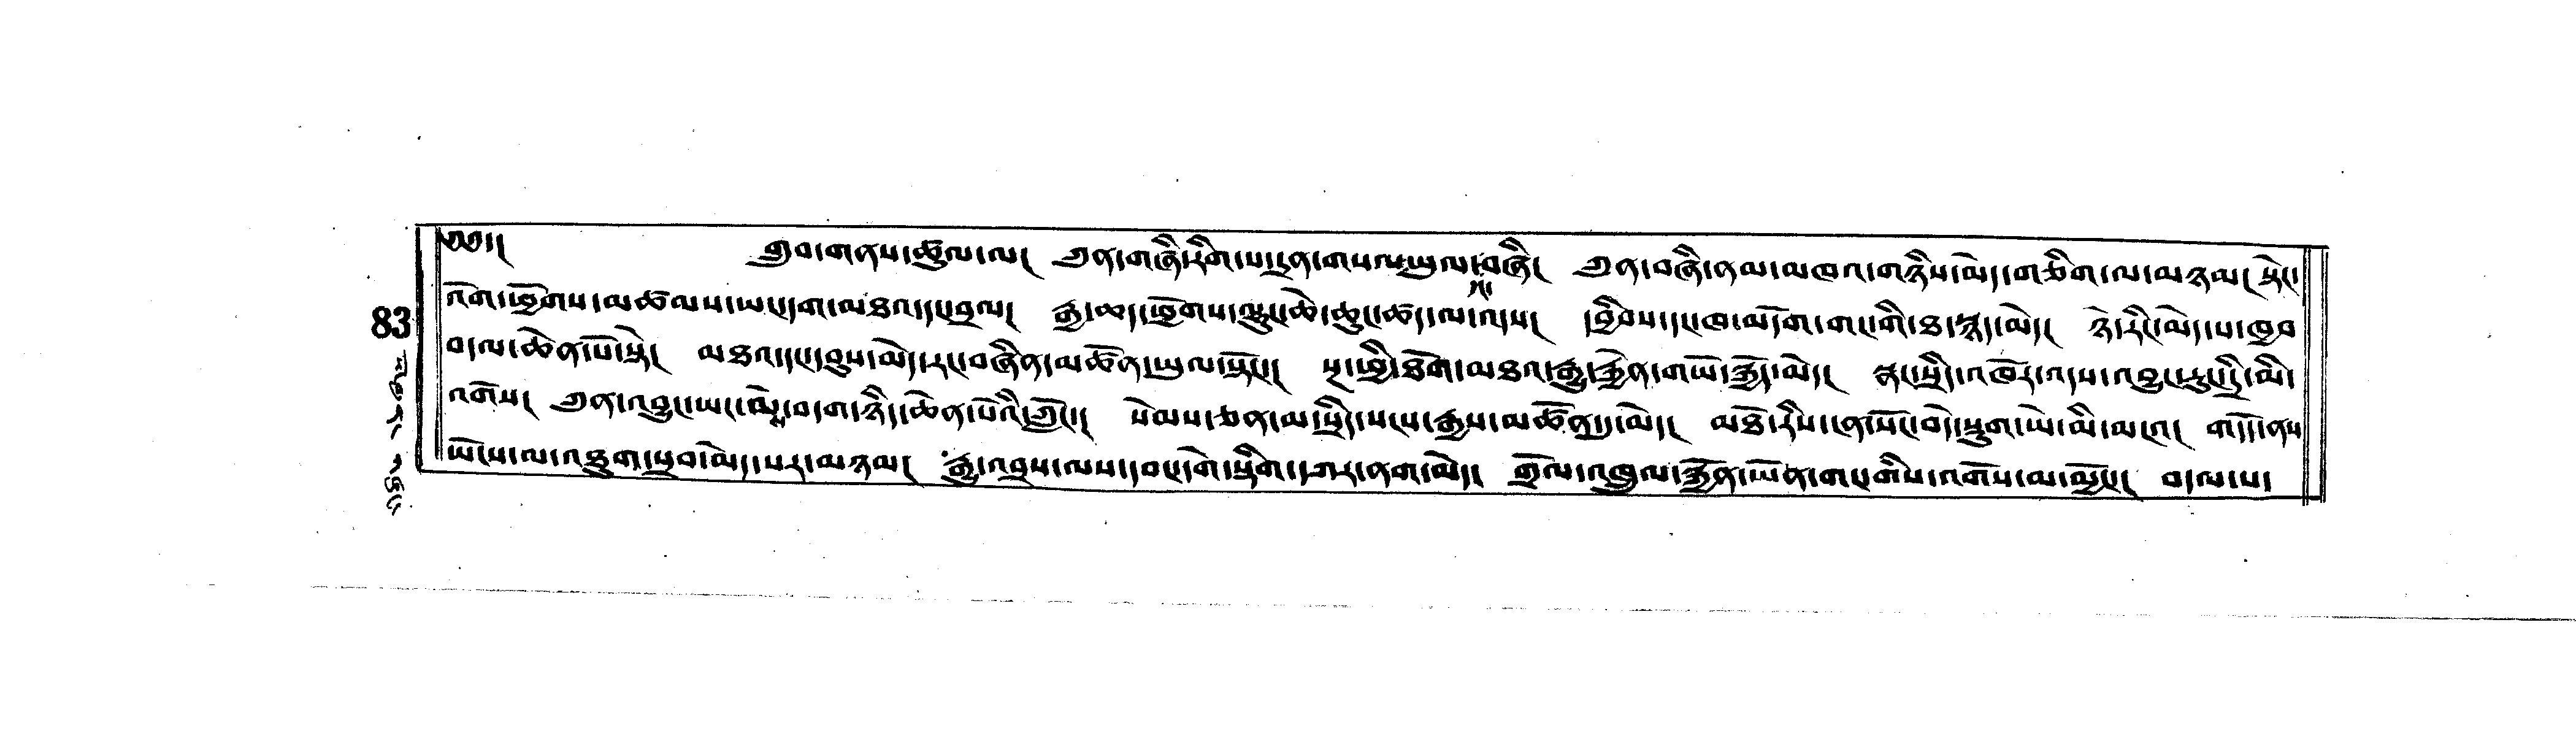གྲུབ་གནས་ཚུལ་ལ། ཀུན་གཞི་རིག་པ་དྲན་གསལ་ཡུལ་དང་བཞི། ཀུན་གཞི་ནམ་མཁའ་གཉིས་མེད་གཅིག་ལ་མཉམ། སྟེང་
འོག་ཕྱོགས་མཚམས་ཡང་དག་མཐའ་དང་བྲལ། རྒྱ་ཆད་ཕྱོགས་ལྷུང་ཆེ་ཆུང་ཚད་ལས་འདས། དབྱིབས་དང་ཁ་དོག་གང་གི་ཐ་སྙད་མེད། ཉེ་རིང་མེད་པ་ཁྱབ་
བདལ་ཆེན་པོ་སྟེ། མཐའ་དང་དབུས་མེད་རང་བཞིན་མཚོན་ཡུལ་སྟོང་། སྔ་ཕྱི་ཐོག་མཐའ་རྒྱུ་རྐྱེན་གཡོ་སྐྱོད་མེད། སྣང་སྲིད་འཁོར་འདས་འབྱུང་རུང་དྲི་མི་
འགོས། ཀུན་འབྱུང་ཡང་མེས་བདག་ཉིད་ཆེན་པོའི་ཀློང་། སེམས་ཅན་མ་སྲིད་སངས་རྒྱས་མཚོན་དུ་མེད། མཐོ་རིས་ངན་སོང་བདེ་སྡུག་ཡེ་མི་མངའ། གདོད་ནས་
ཡོངས་ལ་འཐུག་སྲབ་མེད་པར་མཉམ། རྒྱུ་འབྲས་ལས་དབང་དགེ་སྡིག་དཀར་ནག་མེད། གྲོལ་འཁྲུལ་སྐྱོན་ཡོན་གང་གིས་འགོས་མ་མྱོང་། བདལ་པ་